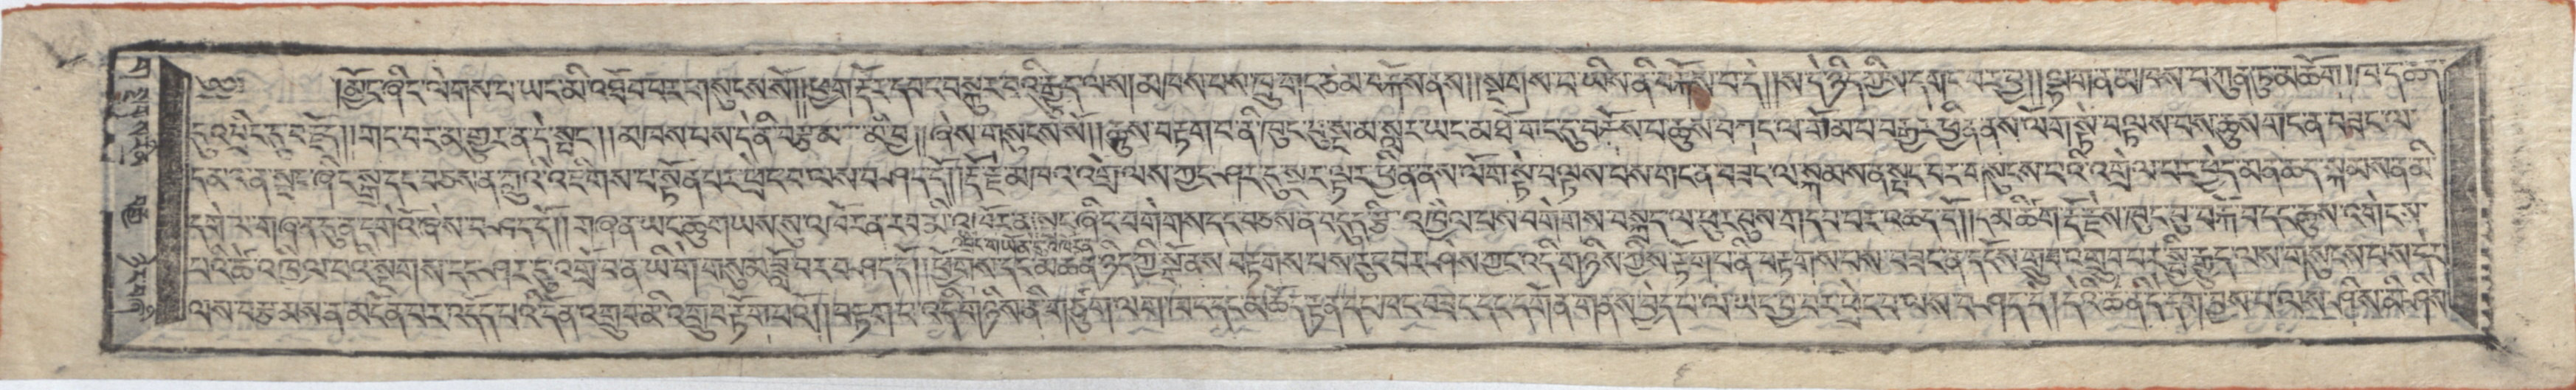༄༅། །མྱོང་ཞིང་ལེགས་པ་ཡང་མི་འཐོབ་པར་གསུངས་སོ། །ཕྱག་རྡོར་དབང་བསྐུར་བའི་རྒྱུད་ལས། མཁས་པས་ཁྲུ་གང་ཙམ་བརྐོས་ནས། །སྔགས་པ་ཡིས་ནི་བརྐོས་པ་དེ། །ས་དེ་ཉིད་ཀྱིས་དགང་བར་བྱ། །ལྷག་ན་མཁས་པ་ཀུན་ཏུ་མཆོག །ཁ་ད་ཆད་
དུ་འབྲིང་དུ་བརྗོད། །གང་བར་མ་གྱུར་ན་དེ་སྤང་། །མཁས་པས་དེ་ནི་བརྩམ་མི་བྱ། །ཞེས་གསུངས་སོ། །ཆུས་བརྟག་པ་ནི་ཁུང་པུ་སྔ་མ་སླར་ཡང་མཐོ་གང་དུ་བརྐོས་པ་ཆུས་བཀང་ལ་གོམ་པ་བརྒྱར་ཕྱིན་ནས་ལོག་སྟེ་བལྟས་པས་ཆུས་གང་ན་བཟང་ལ་
དམའ་ན་སྤང་ཞིང་སྒྲ་དང་བཅས་ན་ཀླུའི་འཇིགས་པ་སྟོན་པར་ཕྲེང་བ་ལས་བཤད་དོ། །རྡོ་རྗེ་མཁའ་འགྲོ་ལས་ཀྱང་ཤར་དུ་སྔར་ལྟར་ཕྱིན་ནས་ལོག་སྟེ་བལྟས་བས་གང་ན་བཟང་ལ་སྐམས་ན་སྤང་བར་གསུངས་པའི་འགྲེལ་པར་ཕྱེད་མན་ཆད་སྐམས་ན་མི་
དགེ་ལ་གཞན་དུ་ན་དགེའོ་ཞེས་བཤད་དོ། །གཞན་ཡང་ཆུ་གཡས་སུ་འཁོར་ན་རབ་མི་འབྲིང་གཡོན་དུ་འཁོར་ན་སྤང་ཞིང་བགེགས་དང་བཅས་ན་བདུད་རྩི་འཁྱིལ་པས་བགེགས་བསྐྲད་ལ་ཕུར་བུས་གདབ་པར་འཆད་དོ། །དམ་ཚིག་རྡོ་རྗེས་ཁུང་བུ་བརྐོ་བ་དང་ཆུས་འགེངས་
པའི་ཚེ་འཁྱིལ་པའི་སྔགས་དང་ཤར་དུ་འགྲོ་བ་ན་ཡི་གེ་གསུམ་ཟློ་བར་བཤད་དོ། །ཕྱོགས་དང་མཚན་ཉིད་ཀྱི་སྒོ་ནས་བརྟགས་པས་རུང་བར་ཤེས་ཀྱང་འདི་གཉིས་ཀྱིས་རྟོག་པ་ནི་བརྟགས་པས་བཟང་ན་དངོས་གྲུབ་འགྲུབ་པར་སྤྱི་རྒྱུད་ལས་གསུངས་པས་དེར་
ལས་བརྩམས་ན་མངོན་པར་འདོད་པའི་དོན་འགྲུབ་མི་འགྲུབ་རྟོག་པའོ། །བརྟག་པ་འདི་གཉིས་ནི་གཙུག་ལག་ཁང་དང་མཆོད་རྟན་དང་ཁང་བཟང་དང་དགོན་གནས་བྱེད་པ་ལ་ཡང་བྱ་བར་ཕྲེང་བ་ལས་བཤད་དེ། དེའི་ཚེ་ནི་དེ་དག་བྱས་པ་ལས་ཤིས་མི་ཤིས་